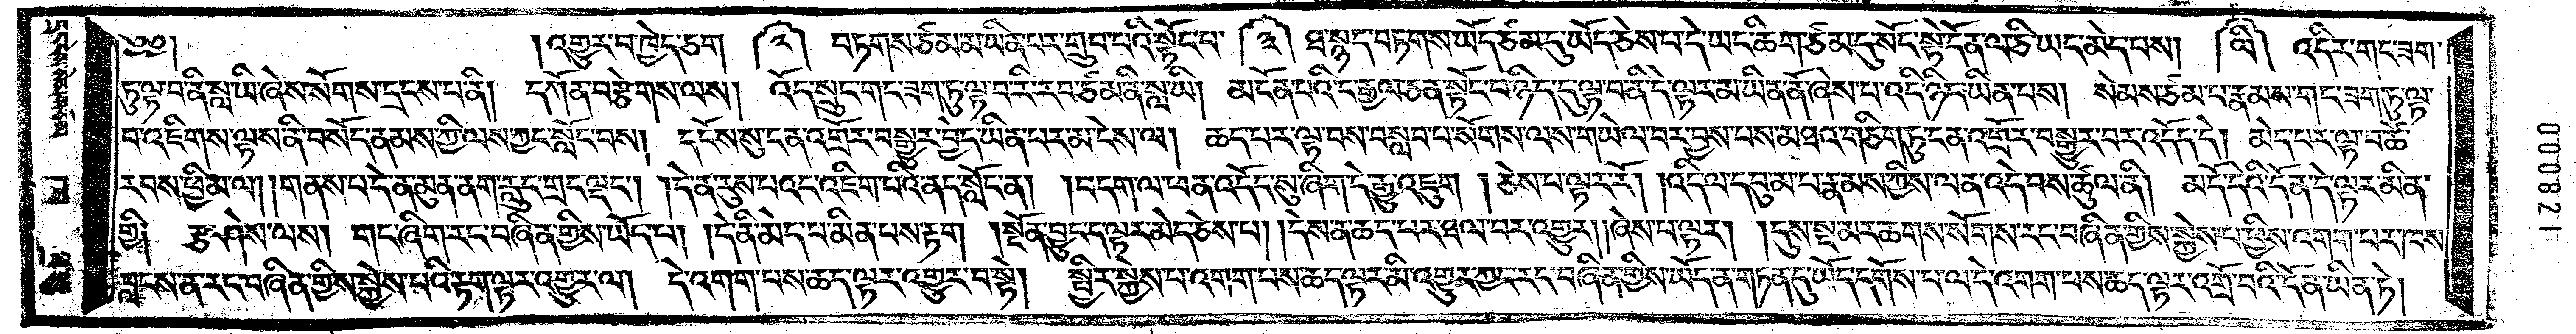༄༅། །འགྱུར་བ་ཁྱེད་ཅག ༼༢༽ བཏགས་ཙམ་མ་ཡིན་པར་གྲུབ་པའི་སྟོང་པ ༼༣༽ ཐ་སྙད་བཏགས་ཡོད་ཙམ་དུ་ཡོད་ཅེས་པ་དེ་ཡང་ཚིག་ཙམ་དུ་སོང་སྟེ་དོན་ལ་ཅི་ཡང་མེད་པས། ༼ལི༽ འདིར་གང་ཟག་
ཏུ་ལྟ་བ་ནི་སླ་ཡི་ཞེས་སོགས་དྲངས་པ་ནི། དཀོན་བརྩེགས་ལས། འོད་སྲུང་གང་ཟག་ཏུ་ལྟ་བ་རི་རབ་ཙམ་ནི་སླ་ཡི། མངོན་པའི་ང་རྒྱལ་ཅན་སྟོང་པ་ཉིད་དུ་ལྟ་བ་ནི་དེ་ལྟར་མ་ཡིན་ནོ་ཞེས་པ་འདི་ཉིད་ཡིན་པས། སེམས་ཙམ་པ་རྣམས་གང་ཟག་ཏུ་ལྟ་
བ་འཇིགས་ལྟས་ནི་བསོད་ནམས་ཀྱི་ལས་ཀྱང་སློང་བས། དངོས་སུ་ངན་འགྲོར་བསྐྱུར་བྱེད་ཡིན་པར་མ་ངེས་ལ། ཆད་པར་ལྟ་བས་བསླབ་པ་སོགས་ལས་གཡེལ་བར་བྱས་པས་མཐའ་གཅིག་ཏུ་ངན་འགྲོར་བསྐྱུར་བར་འདོད་དེ། མེད་པར་ལྟ་བ་ཚེ་
རབས་ཕྱི་མ་ལ། །གནས་པ་དེ་ན་མུན་ནག་རླུང་གྲང་ལྡང་། །དེ་ན་རུས་པའང་འཇིག་པའི་ནད་སློང་ན། །བདག་ལ་ཕན་འདོད་སུ་ཞིག་དེ་རྒྱུ་འཇུག །ཅེས་པ་ལྟར་རོ། །འདི་ལ་དབུ་མ་པ་རྣམས་ཀྱིས་ལན་འདེབས་ཚུལ་ནི། མདོ་དེའི་དོན་དེ་ལྟར་མིན་
གྱི༑ རྩ་ཤེས་ལས། གང་ཞིག་རང་བཞིན་གྱིས་ཡོད་པ། །དེ་ནི་མེད་པ་མིན་པས་རྟག །སྔོན་བྱུང་ད་ལྟར་མེད་ཅེས་པ། །དེས་ན་ཆད་པར་ཐལ་བར་འགྱུར། །ཞེས་པ་ལྟར། །དུས་སྔ་མར་ཆགས་སོགས་རང་བཞིན་གྱིས་སྐྱེས་པ་ཕྱིས་འགག་པར་ཁས་
བླངས་ན་རང་བཞིན་གྱིས་སྐྱེས་པའི་རྟག་ལྟར་འགྱུར་ལ། དེ་འགག་པས་ཆད་ལྟར་འགྱུར་བ་སྟེ། སྤྱིར་སྐྱེས་པ་འགག་པས་ཆད་ལྟར་མི་འགྱུར་ཀྱང་རང་བཞིན་གྱིས་ཡོད་ན་གཏན་དུ་ཡོད་དགོས་པ་ལ་དེ་འགག་པས་ཆད་ལྟར་འགྲོ་བའི་དོན་ཡིན་ཏེ།